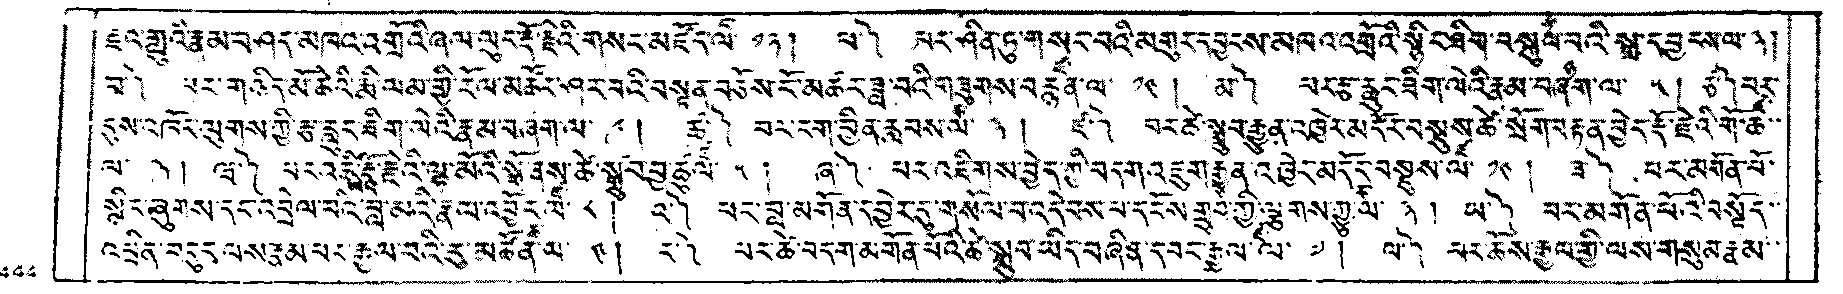རྗེའི་གླུའི་རྣམ་བཤད་མཁའ་འགྲོའི་ཞལ་ལུང་རྡོ་རྗེའི་གསང་མཛོད་ལ་ང ༡༢། ཕ྄་པར་ཤིན་ཏུ་གསང་བའི་མགུར་དབྱངས་མཁའ་འགྲོའི་སྙིང་ཐིག་བསྐུལ་བའི་སྒྲ་དབྱངས་ལ ༣།
པ྄་པར་གཉིད་མོ་ཆེའི་རྨི་ལམ་གྱི་རོལ་མཚོར་ཤར་བའི་བསྟན་བཅོས་ངོ་མཚར་ཟླ་བའི་གཟུགས་བརྙན་ཛ་ལ ༡༤། མ྄་པར་རྩ་རླུང་ཐིག་ལེའི་རྣམ་བཞག་ཉ་ལ ༥། ཙ྄་པར་
དུས་འཁོར་ལུགས་ཀྱི་རྩ་རླུང་ཐིག་ལེའི་རྣམ་བཞག་ལ ༩། ཚ྄་པར་ངག་བྱིན་རླབས་ལ་ཆ ༣། ཛ྄་པར་ཚེ་སྒྲུབ་རྒྱུན་འཁྱེར་མདོར་བསྡུས་ཚེ་སྲོག་བརྟན་བྱེད་རྡོ་རྗེའི་གོ་ཆ་ཛ་
ལ ༣། ཝ྄་པར་འཆི་ཨང་རྡོ་རྗེའི་ལྷ་མོའི་སྒོ་ནས་ཚེ་སྒྲུབ་བྱ་ཚུལ་ཛ ༥། ཞ྄་པར་འཇིགས་བྱེད་ཀྱི་བདག་འཇུག་རྒྱུན་འཁྱེར་མདོར་བསྡུས་ལ་ཛ ༡༤། ཟ྄་པར་མགོན་པོ་
སྙིང་ཞུགས་དང་འབྲེལ་བའི་བླ་མའི་རྣལ་འབྱོར་ལ་ཛ ༨། འ྄་པར་བླ་མགོན་དབྱེར་དུ་གསོལ་བ་འདེབས་པ་དངོས་གྲུབ་ཀྱི་ལྕགས་ཀྱུ་ཆ་ལ ༣། ཡ྄་པར་མགོན་པོའི་བསྟོད་
འཕྲིན་བདུད་ལས་རྣམ་པར་རྒྱལ་བའི་རུ་མཚོན་ཆ་ལ ༤། ར྄་པར་ཚེ་བདག་མགོན་པོའི་ཚེ་སྒྲུབ་ཡིད་བཞིན་དབང་རྒྱལ་ཛ་ལ ༧། ལ྄་པར་ཆོས་རྒྱལ་གྱི་ལས་གསུམ་རྣམ་